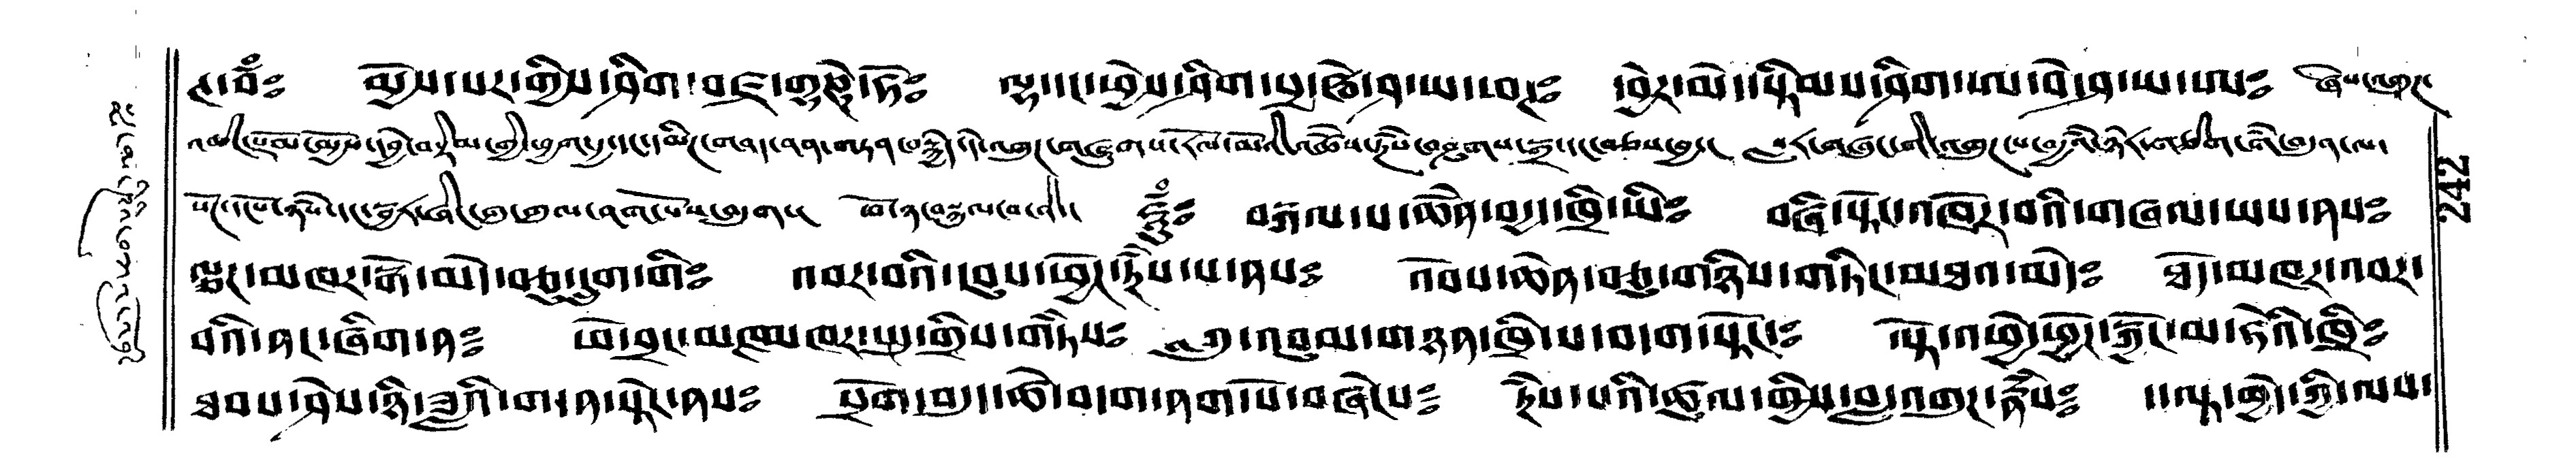ཊ་བྃཿ མྱོས་པར་གྱིས་ཤིག་བཛྲ་གྷཎྜེ་ཧོཿ ལྷ་དང་ཕྱེས་ཤིག་པྲ་ཝེ་ཤ་ཡ་ཕཊཿ དབྱེར་མེད་སྟིམས་ཤིག་ཨ་བེ་ཤ་ཡ་ཨཿ ཞེས་འགུགས་
འཆིང་སྡོམ་མྱོས་དབྱེ་བསྟིམ་གྱི་ཕྱག་རྒྱ་དང་དམིགས་གནད་ནན་གཏན་བསྐྱེད་དེ་འགུགས་ཞུགས་རོལ་མོའི་འཚམས་རྔམ་བཤུགས་སྒྲ་དང་བཅས་བྱ། སླར་གཞུང་གི་འགུགས་པ་བརྒྱའམ་ཉེར་གཅིག་གམ་བདུན་ལ་
སོགས་དངོས་ཉམས་དང་སྦྱར་ཞིང་གུ་གུལ་ནག་པོས་བདུག ཕོ་ཉ་སྐུལ་བ་ན། ཧཱུྃཿ བསྐལ་པ་ཆེན་པོ་བརྒྱད་ཁྲི་ཡིཿ བཞི་སྟོང་འཁོར་བའི་གཞལ་ཡས་ནསཿ
ལྕགས་མཁར་སྒོ་མེད་བཅུ་དྲུག་གིཿ འབར་བའི་དབུས་ཕྱོགས་རྔམ་པ་ནསཿ འཽབས་ཆེན་བཅུ་གཉིས་གཏིང་མཐའ་མེདཿ ཐོད་མཁར་འབར་
བའི་ནང་ཞིག་ནཿ ཕོ་བྲང་སྒོ་ཁར་སྤུ་གྲིས་གཏམསཿ ཀླུ་འབུམ་གཉན་ཁྲི་ས་བདག་སྟེངཿ ལྟོ་འཕྱེ་ཕྱོགས་སྐྱོང་མ་ཧེའི་ཁྲིཿ 
ཐབས་ཤེས་ཉི་ཟླའི་གདན་སྟེང་ནསཿ སྲོག་བདུད་ཚེ་བདག་ནག་པོ་བཞེངས༔ རྔམ་པའི་ཚུལ་གྱིས་བླ་འགུགས་རྣམས༔ ད་ལྟ་ཁྱེད་ཀྱི་ལས་